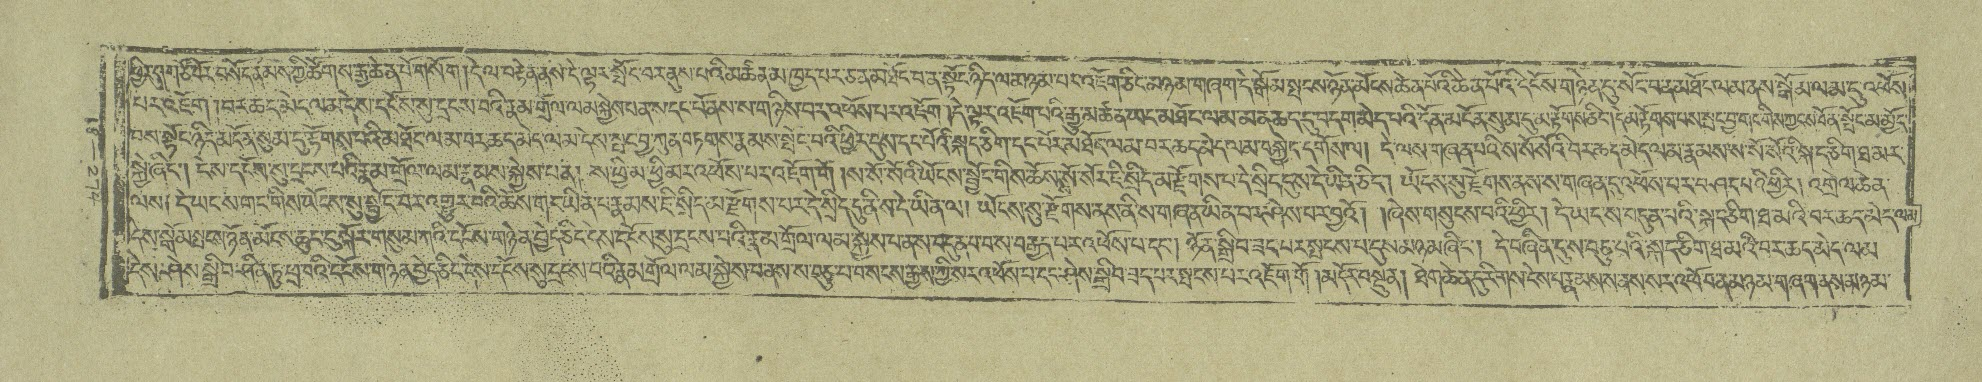ཕྱིར་དུ། གཙོ་བོར་བསོད་ནམས་ཀྱི་ཚོགས་རྒྱ་ཆེན་པོ་གསོག །དེ་ལ་བརྟེན་ནས་དེ་ལྟར་སྤོང་བར་ནུས་པའི་མཚན་མ་ཁྱད་པར་ཅན་མཐོང་བ་ན་སྟོང་ཉིད་ལ་མཉམ་པར་འཇོག་ཅིང་མཉམ་གཞག་དེ་སྒོམ་སྤངས་ཉོན་མོངས་ཆེན་པོའི་དངོས་གཉེན་དུ་སོང་བ་ན་མཐོང་ལམ་ནས་སྒོམ་ལམ་དུ་འཕོས་
པར་འཇོག །བར་ཆད་མེད་ལམ་དེས་དངོས་སུ་དྲངས་བའི་རྣམ་གྲོལ་ལམ་སྐྱེས་པ་ན་ས་དང་པོ་ནས་ས་གཉིས་པར་འཕོས་པར་འཇོག །དེ་ལྟར་འཇོག་པའི་རྒྱུ་མཚན་ཡང་མཐོང་ལམ་མན་ཆད་དུ་བདག་མེད་པའི་དོན་མངོན་སུམ་དུ་མ་རྟོགས་ཅིང་། དེ་མ་རྟོགས་པས་སྤང་བྱ་གང་གིས་ཀྱང་ས་བོན་སྤོང་མ་མྱོང་
བས་སྟོང་ཉིད་མངོན་སུམ་དུ་རྟོགས་པའི་མཐོང་ལམ་བར་ཆད་མེད་ལམ་དེས་སྤང་བྱ་ཀུན་བཏགས་རྣམས་སྤོང་བའི་ཕྱིར་དུས་དང་པོའི་སྐད་ཅིག་དང་པོར་མཐོང་ལམ་བར་ཆད་མེད་ལམ་བསྐྱེད་དགོས་ལ། ད་ལས་གཞན་པའི་ས་སོ་སོའི་བར་ཆད་མེད་ལམ་རྣམས་ས་སོ་སོའི་སྐད་ཅིག་ཐ་མར་
སྐྱེ་ཞིང་། ངེས་དངོས་སུ་དྲངས་པའི་རྣམ་གྲོལ་ལམ་རྣམས་སྐྱེས་པ་ན། ས་ཕྱི་མ་ཕྱི་མར་འཕོས་པར་འཇོག་གོ །ས་སོ་སོའི་ཡོངས་སྦྱོང་གིས་ཆོས་ས་སོ་སོར་ཇི་སྲིད་མ་རྫོགས་པ་དེ་སྲིད་དུས་དེ་ཡིན་ཅིང་། ཡོངས་སུ་རྫོགས་ནས་ས་གཞན་དུ་འཕོས་པར་བཤད་པའི་ཕྱིར། འགྲེལ་ཆེན་
ལས། དེ་ཡང་ས་གང་གིས་ཡོངས་སུ་སྦྱང་བར་འགྱུར་བའི་ཆོས་གང་ཡིན་པ་རྣམས་ཇི་སྲིད་མ་རྫོགས་པར་དེ་སྲིད་དུ་ནི་ས་དེ་ཡིན་ལ། ཡོངས་སུ་རྫོགས་ནས་ནི་ས་གཞན་ཡིན་པར་ཤེས་པར་བྱའོ། །ཞེས་གསུངས་པའི་ཕྱིར། དེ་ཡང་ས་བདུན་པའི་སྐད་ཅིག་ཐ་མའི་བར་ཆད་མེད་ལམ་
དེས་སྒོམ་སྤངས་ཉོན་མོངས་ཆུང་ངུ་སྐོར་གསུམ་ཀའི་དངོས་གཉེན་བྱེད་ཅིང་དེས་དངོས་སུ་དྲངས་པའི་རྣམ་གྲོལ་ལམ་སྐྱེས་པ་ནས་བདུན་པ་བས་བརྒྱད་པར་འཕོས་པ་དང་། ཉོན་སྒྲིབ་ཟད་པར་སྤངས་པ་དུས་མཉམ་ཞིང་། དེ་བཞིན་དུ་ས་བཅུ་པའི་སྐད་ཅིག་ཐ་མའི་བར་ཆད་མེད་ལམ་
དེས་ཤེས་སྒྲིབ་ཤིན་ཏུ་ཕྲ་བའི་དངོས་གཉེན་བྱེད་ཅིང་དེས་དངོས་སུ་དྲངས་པའི་རྣམ་གྲོལ་ལམ་སྐྱེས་པ་ནས་ས་བཅུ་པ་བ་སངས་རྒྱས་ཀྱི་སར་འཕོས་པ་དང་ཤེས་སྒྲིབ་ཟད་པར་སྤངས་པར་འཇོག་གོ །མདོར་བསྡུ་ན། ཐེག་ཆེན་དུ་རིགས་ངེས་པ་རྣམས་ནས་སར་འཕོ་བ་ན་མཉམ་གཞག་ནས་མཉམ་